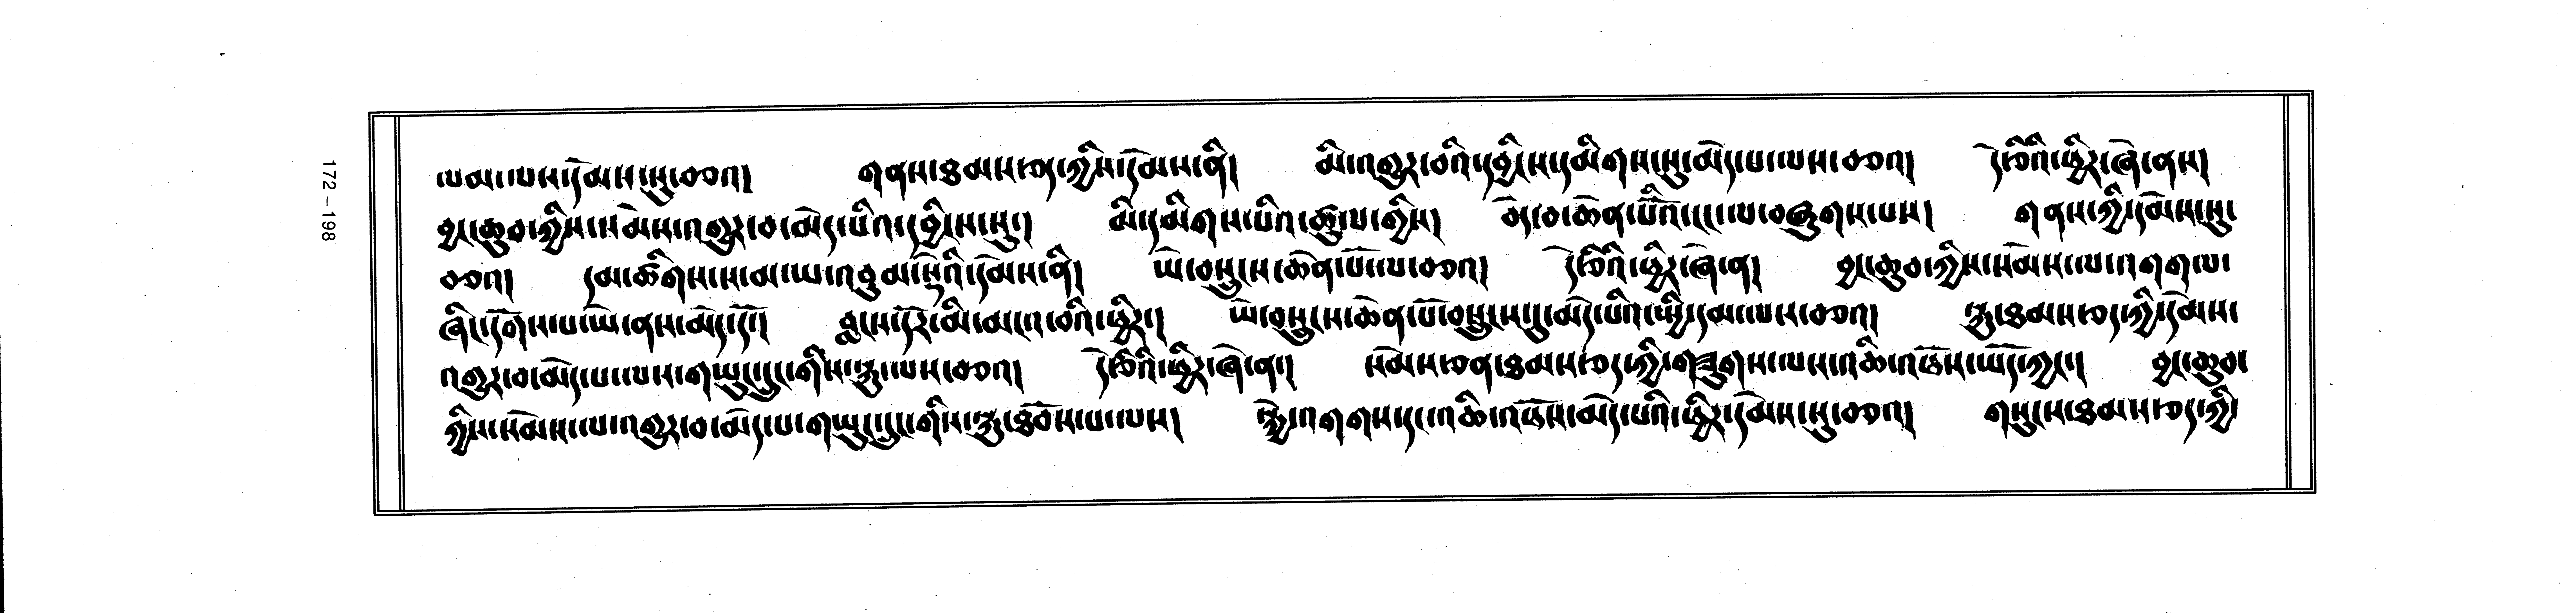ལམ་ལས་དེམ་སུ་བཅའ། གནས་ཐམས་ཅད་ཀྱིས་དེམ་ནི། མི་འགྱུར་བའི་དབྱིངས་དམིགས་སུ་མེད་པ་ལས་བཅའ། དེ་ཅིའི་ཕྱིར་ཞེ་ནས། 
བྱང་ཆུབ་ཀྱིས་སེམས་འགྱུར་བ་མེད་པའི་དབྱིངས་སུ། མི་དམིགས་པའི་ཚུལ་གྱིས། བདེ་བ་ཆེན་པོའི་ངང་ལ་བཞུགས་པས། གནས་ཀྱིས་དེམ་སུ་
བཅའ། དམ་ཚིགས་ས་མ་ཡ་འབུམ་སྡེའི་དེམ་ནི། ཡེ་བསྲུངས་ཆེན་པོ་ལ་བཅའ། དེ་ཅིའི་ཕྱིར་ཞེ་ན། བྱང་ཆུབ་ཀྱིས་སེམས་ལ་འགག་གལ་
ཞིང་དོགས་པ་ཡེ་ནས་མེད་དོ། བླང་དོར་མི་མངའ་བའི་ཕྱིར། ཡེ་བསྲུངས་ཆེན་པོ་བསྲུངས་དུ་མེད་པའི་སྤྱི་དམ་ལས་བཅའ། སྐུ་ཐམས་ཅད་ཀྱི་དེམ་
འགྱུར་བ་མེད་པ་ལས་གཡུང་དྲུང་གིས་སྐུ་ལས་བཅའ། དེ་ཅིའི་ཕྱིར་ཞེ་ན། སེམས་ཅན་ཐམས་ཅད་ཀྱི་གཟུགས་ལས་འཆི་འཕོས་ཡོད་ཀྱང་། བྱང་ཆུབ་
ཀྱིས་སེམས་ལ་འགྱུར་བ་མེད་པ་གཡུང་དྲུང་གིས་སྐུ་ཐོབས་པ་ལས། སྐྱེ་འགགས་དང་འཆི་འཕོས་མེད་པའི་ཕྱིར་དེམ་སུ་བཅའ། གསུངས་ཐམས་ཅད་ཀྱི་